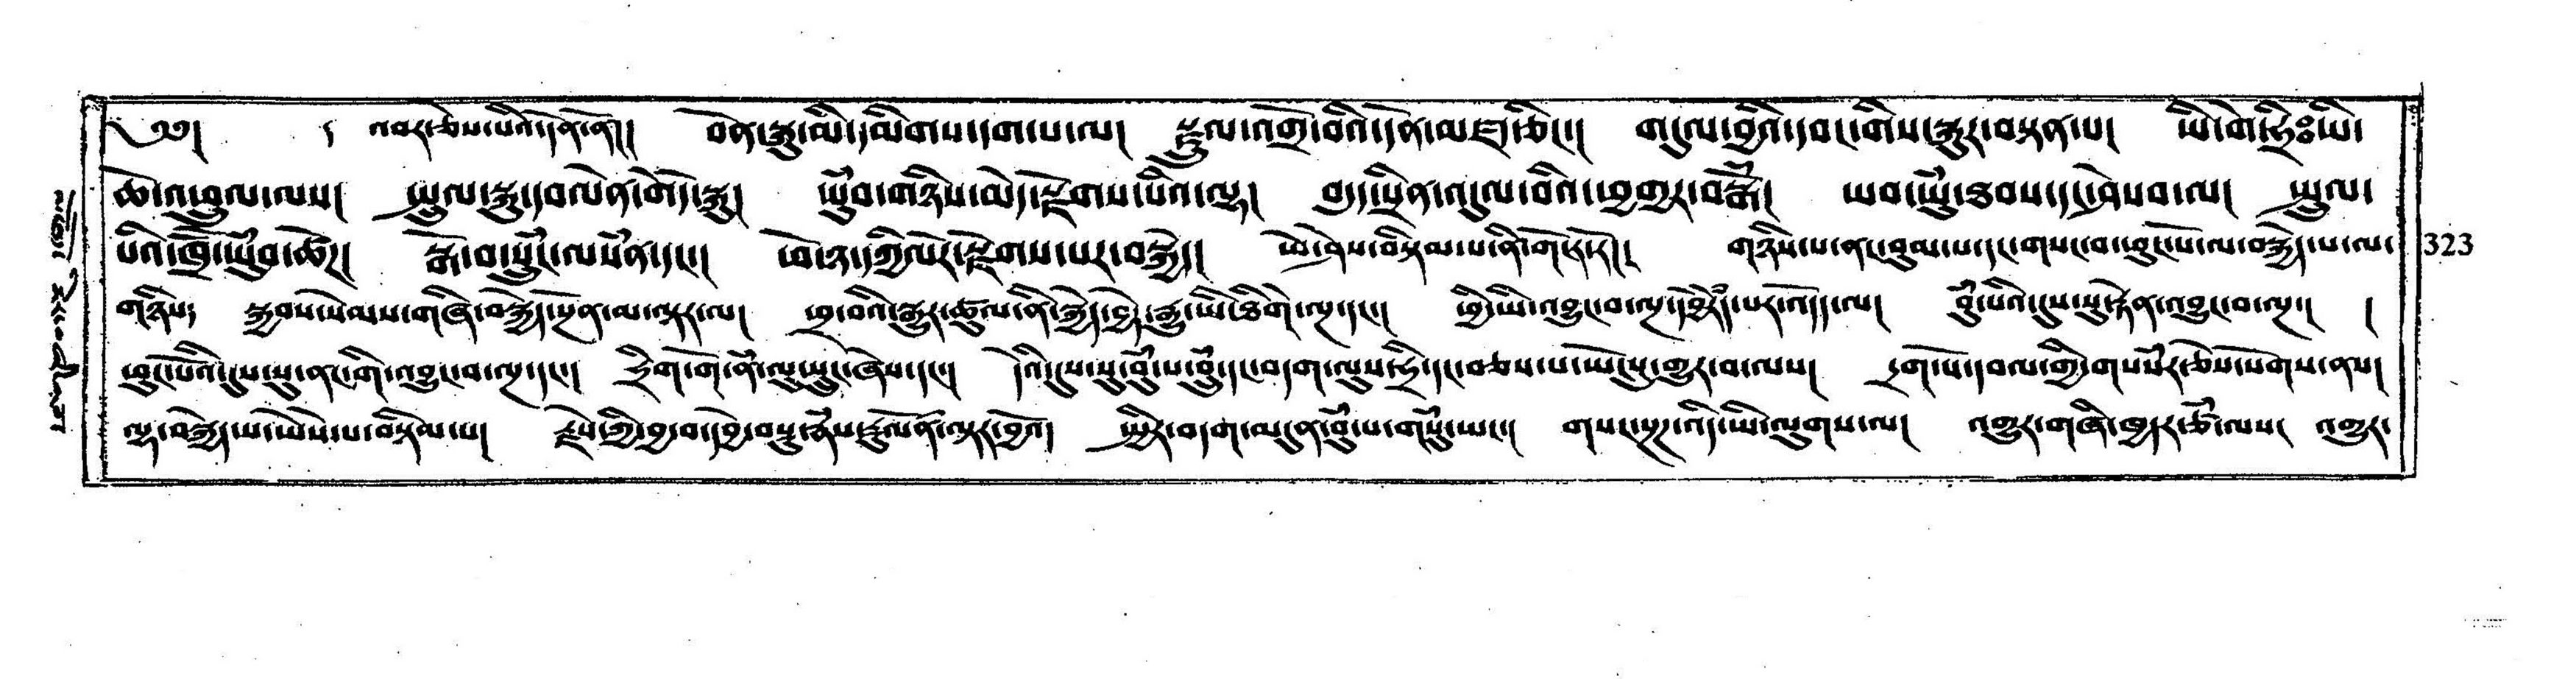འབར་ཅེས་པའི་དོན་ནོ།། བོན་སྐུ་མི་དམིགས་དག་པ་ལ། རྫུ་འཕྲུལ་འགྲོ་བའི་དོན་མཛད་ཅིང་། གདུལ་བྱའི་དབང་གིས་སྐུར་བསྟན་པ། ཡི་གེ་ཧྲིཿཡི་
ཆོ་འཕྲུལ་ལས། སྤྲུལ་སྐུ་དབལ་ཆེན་གེ་ཁོད་སྐུ། ཡབ་ཡུམ་གཉིས་མེད་རྫོགས་པའི་ལྷ། བདུད་སྲིན་འདུལ་བའི་ཕྱག་རྒྱར་བསྒོམ། ཡབ་ཡུམ་ཐབས་དང་ཤེས་རབ་ལ། སྤྲུལ་
པའི་ཁྲོ་བོ་ཡབ་ཡུམ་ཚོགས། སྒོ་བ་སྲུང་མ་ལས་མཁན་དང་། ཕོ་ཉ་དཀྱིལ་འཁོར་རྫོགས་པར་བསྐྱེད། ཡེ་ཤེས་བསྟིམ་པ་ནི་གོང་ལྟར་རོ།། གཉིས་པ་ནང་བུམ་པ་དང་གསང་བ་ཕུང་པོ་ལ་བསྐྱེད་པ་ལ་
གཉིས། སྐྱབས་སེམས་གཞི་བསྐྱེད་སྔོན་མ་ལྟར་ལ། ཕྲ་བའི་སྒྱུར་ཚུལ་ནི་སྐྱེད་བྱེད་རྒྱུ་ཡི་ཐིག་ལེ་ལྔ་དང་། ཕྱི་ཡི་འབྱུང་བ་ལྔ་དབྱེར་མེད་པར་འདོད་ལ། བུམ་པའི་དུས་སུ་རྟེན་འབྱུང་བ་ལྔ། །
ཕུང་པོའི་དུས་སུ་ནང་གི་འབྱུང་བ་ལྔ་དང་། ཧྲིག་གོ་ནམ་ལུ་སྲུང་ཞེས་དང་། དེའི་དུས་སུ་བུམ་པ་བྲུཾ་དང་བདག་ལུས་ཧྲི་དང་བཅས་པ་ཡོངས་སུ་གྱུར་བ་ལས། དྲག་པོ་དབལ་གྱི་གསས་མཁར་ཅེས་སོགས་ནས། 
ལྷ་བསྐྱེད་པ་ཡེ་ཤེས་པ་བསྟིམ་པ། རྗེས་ཀྱི་བྱ་བ་དབྱེ་བསྡུ་རྣམས་རྡུལ་མཚོན་ལྟར་བྱའོ། སྤྱིར་བདག་མདུན་བུམ་པ་གསུམ་ཡང་། གསང་སྔགས་འདི་ཡི་ལུགས་ལ། འགྱུར་གཞི་ཁྱད་པར་ཙམ་ལས། འགྱུར་